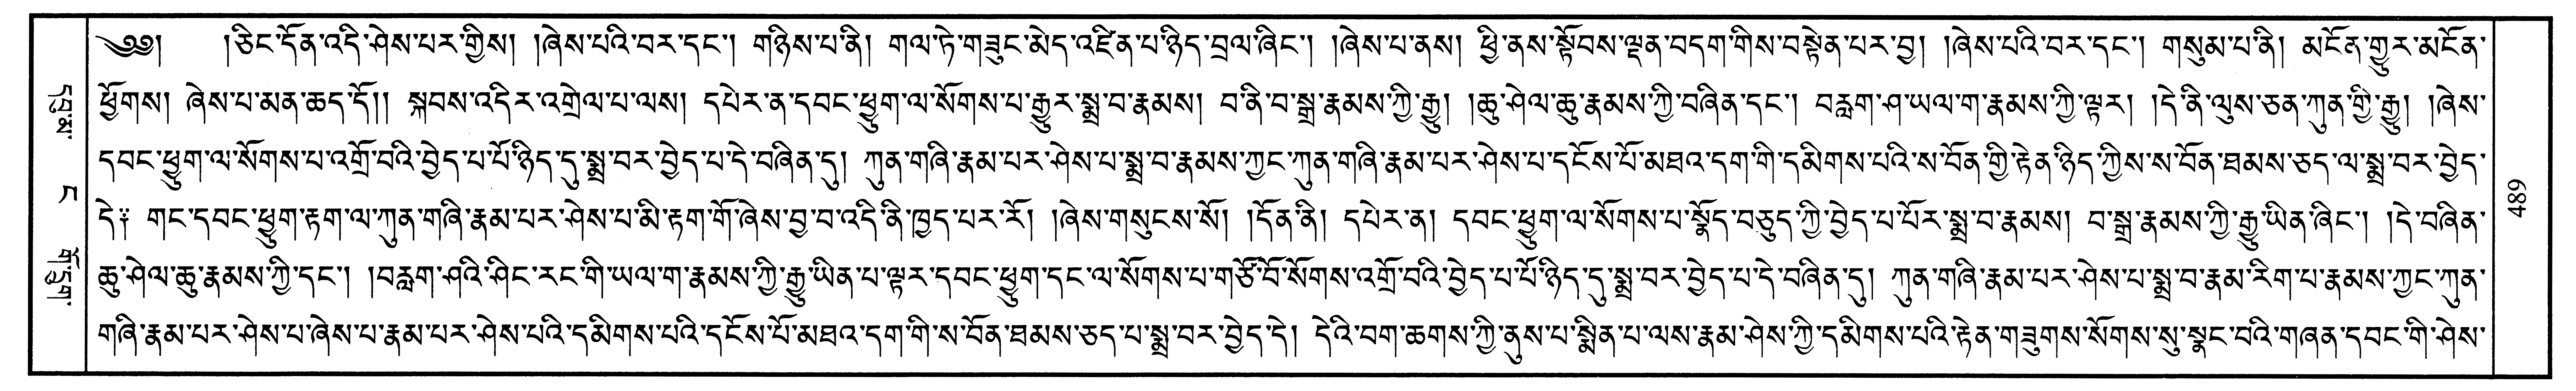༄༅། །ཅིང་དོན་འདི་ཤེས་པར་གྱིས། །ཞེས་པའི་བར་དང་། གཉིས་པ་ནི། གལ་ཏེ་གཟུང་མེད་འཛིན་པ་ཉིད་བྲལ་ཞིང་། །ཞེས་པ་ནས། ཕྱི་ནས་སྟོབས་ལྡན་བདག་གིས་བསྟེན་པར་བྱ། །ཞེས་པའི་བར་དང་། གསུམ་པ་ནི། མངོན་གྱུར་མངོན་
ཕྱོགས། ཞེས་པ་མན་ཆད་དོ།། སྐབས་འདིར་འགྲེལ་པ་ལས། དཔེར་ན་དབང་ཕྱུག་ལ་སོགས་པ་རྒྱུར་སྨྲ་བ་རྣམས། བ་ནི་བ་སྒྲ་རྣམས་ཀྱི་རྒྱུ། །ཆུ་ཤེལ་ཆུ་རྣམས་ཀྱི་བཞིན་དང་། བརླག་ཤ་ཡལ་ག་རྣམས་ཀྱི་ལྟར། །དེ་ནི་ལུས་ཅན་ཀུན་གྱི་རྒྱུ། །ཞེས་
དབང་ཕྱུག་ལ་སོགས་པ་འགྲོ་བའི་བྱེད་པ་པོ་ཉིད་དུ་སྨྲ་བར་བྱེད་པ་དེ་བཞིན་དུ། ཀུན་གཞི་རྣམ་པར་ཤེས་པ་སྨྲ་བ་རྣམས་ཀྱང་ཀུན་གཞི་རྣམ་པར་ཤེས་པ་དངོས་པོ་མཐའ་དག་གི་དམིགས་པའི་ས་བོན་གྱི་རྟེན་ཉིད་ཀྱིས་ས་བོན་ཐམས་ཅད་ལ་སྨྲ་བར་བྱེད་
དེ། གང་དབང་ཕྱུག་རྟག་ལ་ཀུན་གཞི་རྣམ་པར་ཤེས་པ་མི་རྟག་གོ་ཞེས་བྱ་བ་འདི་ནི་ཁྱད་པར་རོ། །ཞེས་གསུངས་སོ། །དོན་ནི། དཔེར་ན། དབང་ཕྱུག་ལ་སོགས་པ་སྣོད་བཅུད་ཀྱི་བྱེད་པ་པོར་སྨྲ་བ་རྣམས། བ་སྒྲ་རྣམས་ཀྱི་རྒྱུ་ཡིན་ཞིང་། །དེ་བཞིན་
ཆུ་ཤེལ་ཆུ་རྣམས་ཀྱི་དང་། །བརླག་ཤའི་ཤིང་རང་གི་ཡལ་ག་རྣམས་ཀྱི་རྒྱུ་ཡིན་པ་ལྟར་དབང་ཕྱུག་དང་ལ་སོགས་པ་གཙོ་བོ་སོགས་འགྲོ་བའི་བྱེད་པ་པོ་ཉིད་དུ་སྨྲ་བར་བྱེད་པ་དེ་བཞིན་དུ། ཀུན་གཞི་རྣམ་པར་ཤེས་པ་སྨྲ་བ་རྣམ་རིག་པ་རྣམས་ཀྱང་ཀུན་
གཞི་རྣམ་པར་ཤེས་པ་ཞེས་པ་རྣམ་པར་ཤེས་པའི་དམིགས་པའི་དངོས་པོ་མཐའ་དག་གི་ས་བོན་ཐམས་ཅད་པ་སྨྲ་བར་བྱེད་དེ། དེའི་བག་ཆགས་ཀྱི་ནུས་པ་སྨིན་པ་ལས་རྣམ་ཤེས་ཀྱི་དམིགས་པའི་རྟེན་གཟུགས་སོགས་སུ་སྣང་བའི་གཞན་དབང་གི་ཤེས་